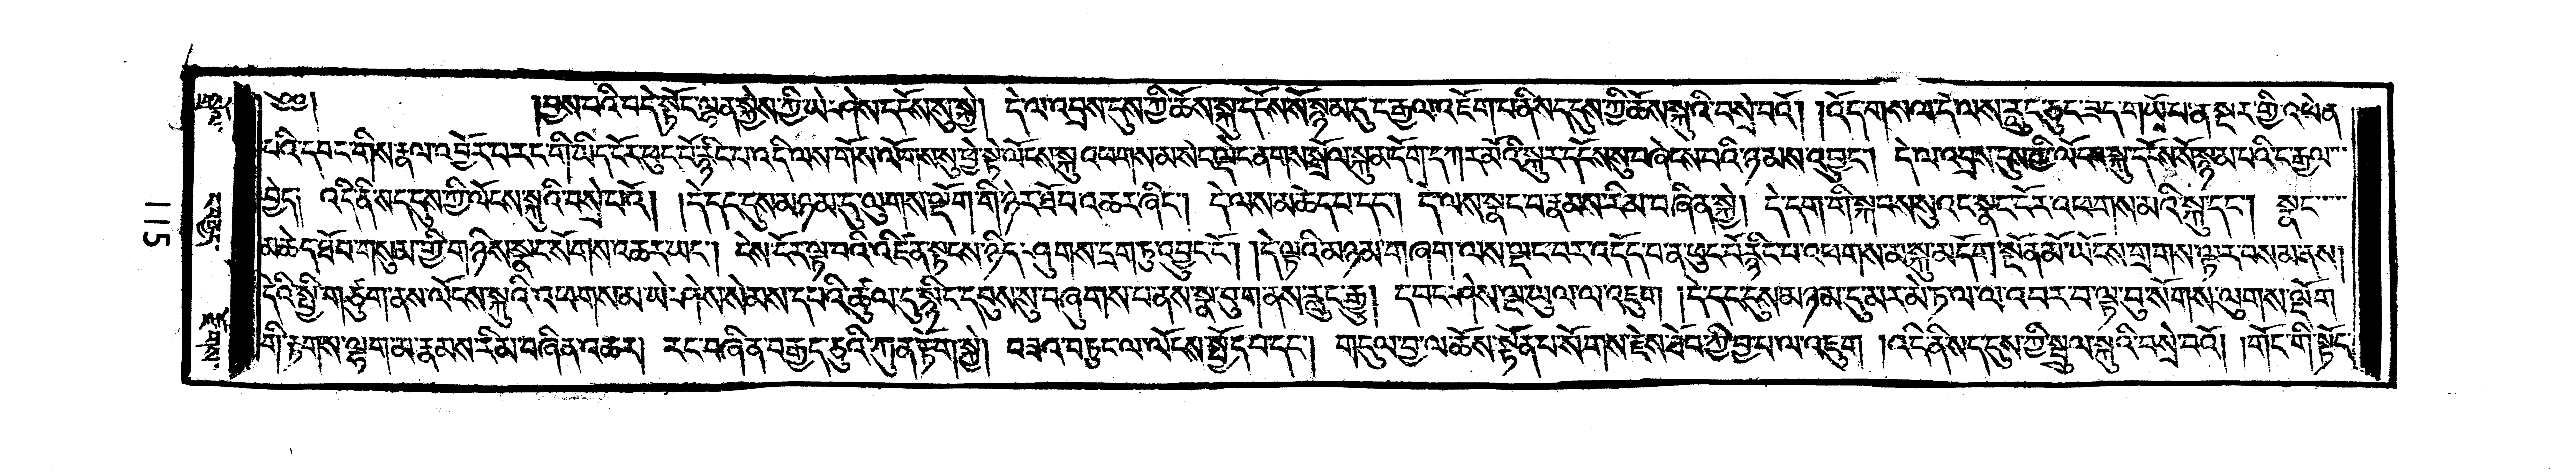༄༅། །བྱས་པའི་བདེ་སྟོང་ལྷན་སྐྱེས་ཀྱི་ཡེ་ཤེས་དངོས་སུ་སྐྱེ། དེ་ལ་འབྲས་དུས་ཀྱི་ཆོས་སྐུ་དངོས་སོ་སྙམ་དུ་ང་རྒྱལ་འཇོག་པ་ནི་སད་དུས་ཀྱི་ཆོས་སྐུའི་བསྲེ་བའོ། །འོད་གསལ་དེ་ལས་རླུང་ཅུང་ཟད་གཡོས་པ་ན་སྔར་གྱི་འཕེན་
བའི་དབང་གིས་རྣལ་འབྱོར་པ་རང་གི་ཡིད་ངོར་ཕུང་པོ་རྙིང་པ་འདི་ལས་གོས་ལོགས་སུ་ཕྱེ་སྟེ་ལོངས་སྐུ་འཕགས་མ་སེང་ལྡེང་ནགས་སྒྲོལ་སྐུ་མདོག་དཀར་མོའི་སྐུར་དངོས་སུ་བཞེངས་པའི་ཉམས་འབྱུང་། དེ་ལ་འབྲས་དུས་ཀྱི་ལོངས་སྐུ་དངོས་སོ་སྙམ་པའི་ང་རྒྱལ་
བྱེད༑ འདི་ནི་སད་དུས་ཀྱི་ལོངས་སྐུའི་བསྲེ་བའོ། །དེ་དང་དུས་མཉམ་དུ་ལུགས་ལྡོག་གི་ཉེར་ཐོབ་འཆར་ཞིང་། དེ་ལས་མཆེད་པ་དང་། དེ་ལས་སྣང་བ་རྣམས་རིམ་བཞིན་སྐྱེ། དེ་དག་གི་སྐབས་སུའང་སྣང་ངོར་འཕགས་མའི་སྐུ་དང་། སྣང་
མཆེད་ཐོབ་གསུམ་གྱི་གཉིས་སྣང་སོགས་འཆར་ཡང་། ངེས་ངོར་ལྟ་བའི་འཛིན་སྟངས་ཉིད་ཤུགས་དྲག་ཏུ་འབྱུང་ངོ། །དེ་ལྟའི་མཉམ་གཞག་ལས་ལྡང་བར་འདོད་པ་ན་ཕུང་པོ་རྙིང་པ་འཕགས་མ་སྐུ་མདོག་སྔོན་མོ་ཡོངས་གྲགས་ལྟར་བསམས་ནས།
དེའི་སྤྱི་གཙུག་ནས་ལོངས་སྐུ་འཕགས་མ་ཡེ་ཤེས་སེམས་དཔའི་ཚུལ་དུ་སྙིང་དབུས་སུ་ཞུགས་པ་ན་སྣ་བུག་ནས་རླུང་རྒྱུ། དབང་ཤེས་ལྔ་ཡུལ་ལ་འཇུག །དེ་དང་དུས་མཉམ་དུ་མར་མེ་ཏ་ལ་ལ་འབར་བ་ལྟ་བུ་སོགས་ལུགས་ལྡོག་
གི་རྟགས་ལྷག་མ་རྣམས་རིམ་བཞིན་འཆར། རང་བཞིན་བརྒྱད་ཅུའི་ཀུན་རྟོག་སྐྱེ། བཟའ་བཏུང་ལ་ལོངས་སྤྱོད་པ་དང་། གདུལ་བྱ་ལ་ཆོས་སྟོན་པ་སོགས་རྗེས་ཐོབ་ཀྱི་བྱ་བ་ལ་འཇུག །འདི་ནི་སད་དུས་ཀྱི་སྤྲུལ་སྐུའི་བསྲེ་བའོ། །གོང་གི་སྟོང་